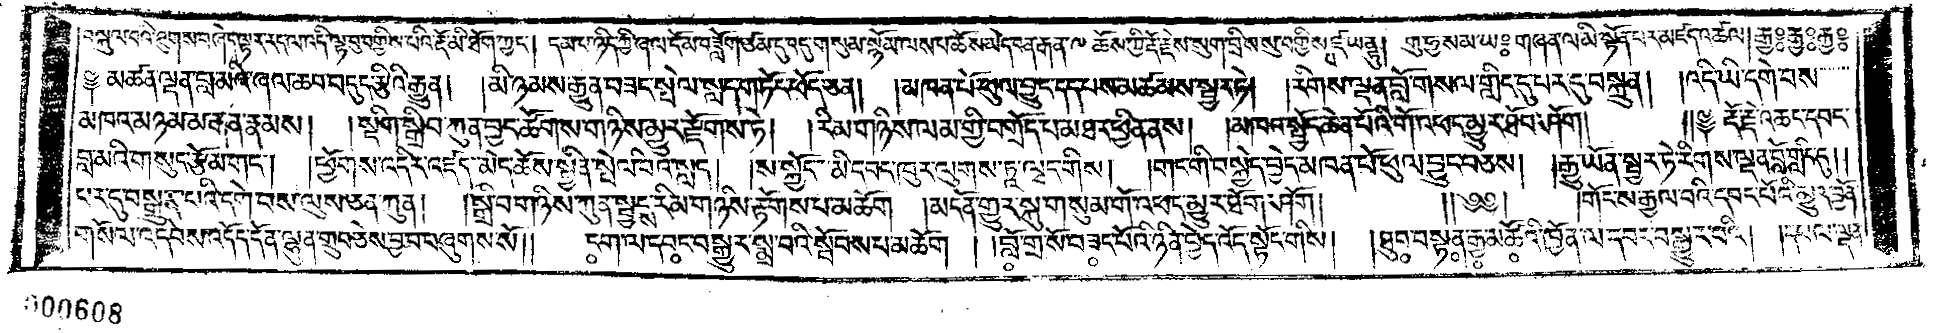བསྐུལ་བའི་ཐུགས་བཞེད་ལྟར་རང་ལ་འདི་ལྟ་བུ་བགྱིས་པའི་རྡོ་མི་ཐོག་ཀྱང་། དམ་པ་ཉིད་ཀྱི་ཞལ་ངོ་མ་བཟློག་ཙམ་དུ་འདུ་གསུམ་སྙོམ་ལས་པ་ཆོས་མེད་བན་རྒན་༧་ཆོས་ཀྱི་རྡོ་རྗེས་སུག་བྲིས་སུ་བགྱིས་པ་ཛ་ཡནྟུ། གུ་ཧྱ་ས་མ་ཡཿ གཞན་ལ་མི་སྟོན་པར་མཛད་འཚལ། རྒྱཿ རྒྱཿ རྒྱཿ
༈ མཚན་ལྡན་བླ་མའི་ཞལ་ཆབ་བདུད་རྩིའི་རྒྱུན། །མི་ཉམས་རྒྱུན་བཟང་སྤེལ་སླད་གཏོང་ཕོད་ཅན། །མཁན་པོ་ཕུལ་བྱུང་དད་པས་མཚམས་སྦྱར་ཏེ། །རིགས་ལྡན་བློ་གསལ་གླིང་དུ་པར་དུ་བསྐྲུན། །འདི་ཡི་དགེ་བས་
མཁའ་མཉམ་མ་རྒན་རྣམས། །སྡིག་སྒྲིབ་ཀུན་བྱང་ཚོགས་གཉིས་མྱུར་རྫོགས་ཏེ། །རིམ་གཉིས་ལམ་གྱི་བགྲོད་པ་མཐར་ཕྱིན་ནས། །མཁའ་སྤྱོད་ཆེན་པོའི་གོ་འཕང་མྱུར་ཐོབ་ཤོག ། །། ༈ རྡོ་རྗེ་འཆང་དབང་
བླ་མའི་གསུང་རྩོམ་གང་། །ཕྱོགས་འདིར་འཛད་མེད་ཆོས་སྦྱིན་སྤེལ་བའི་སླད། །ས་སྐྱོང་མི་དབང་ཁུར་ལུགས་ཏཱ་ལྭང་གིས། །གང་གི་བསྐྱེད་བྱེད་མཁན་པོ་ཕུལ་བྱུང་བཅས། །རྒྱུ་ཡོན་སྦྱར་ཏེ་རིགས་ལྡན་བློ་གླིང་དུ། །
པར་དུ་བསྒྲུན་པའི་དགེ་བས་ལུས་ཅན་ཀུན། །སྒྲིབ་གཉིས་ཀུན་སྦྱངས་རིམ་གཉིས་རྟོགས་པ་མཆོག །མངོན་གྱུར་སྐུ་གསུམ་གོ་འཕང་མྱུར་ཐོག་ཤོག ། །། ༄༅། །གོང་ས་རྒྱལ་བའི་དབང་པོའི་མྱུར་བྱོན་
གསོལ་འདེབས་འདོད་དོན་ལྷུན་གྲུབ་ཅེས་བྱ་བ་བཞུགས་སོ། །ངག྾་ལ་དབང྾་བསྒྱུར་སྨྲ་བའི་སྤོབས་པ་མཆོག །བློ྾་གྲོས་བཟང྾་པོའི་ཉིན་བྱེད་འོད་སྟོང་གིས། །ཐུབ྾་བསྟན྾་རྒྱ྾་མཚོའི྾་ཁྱོན་ལ་དབང་བསྒྱུར་བའི། །དཔལ་ལྡན་